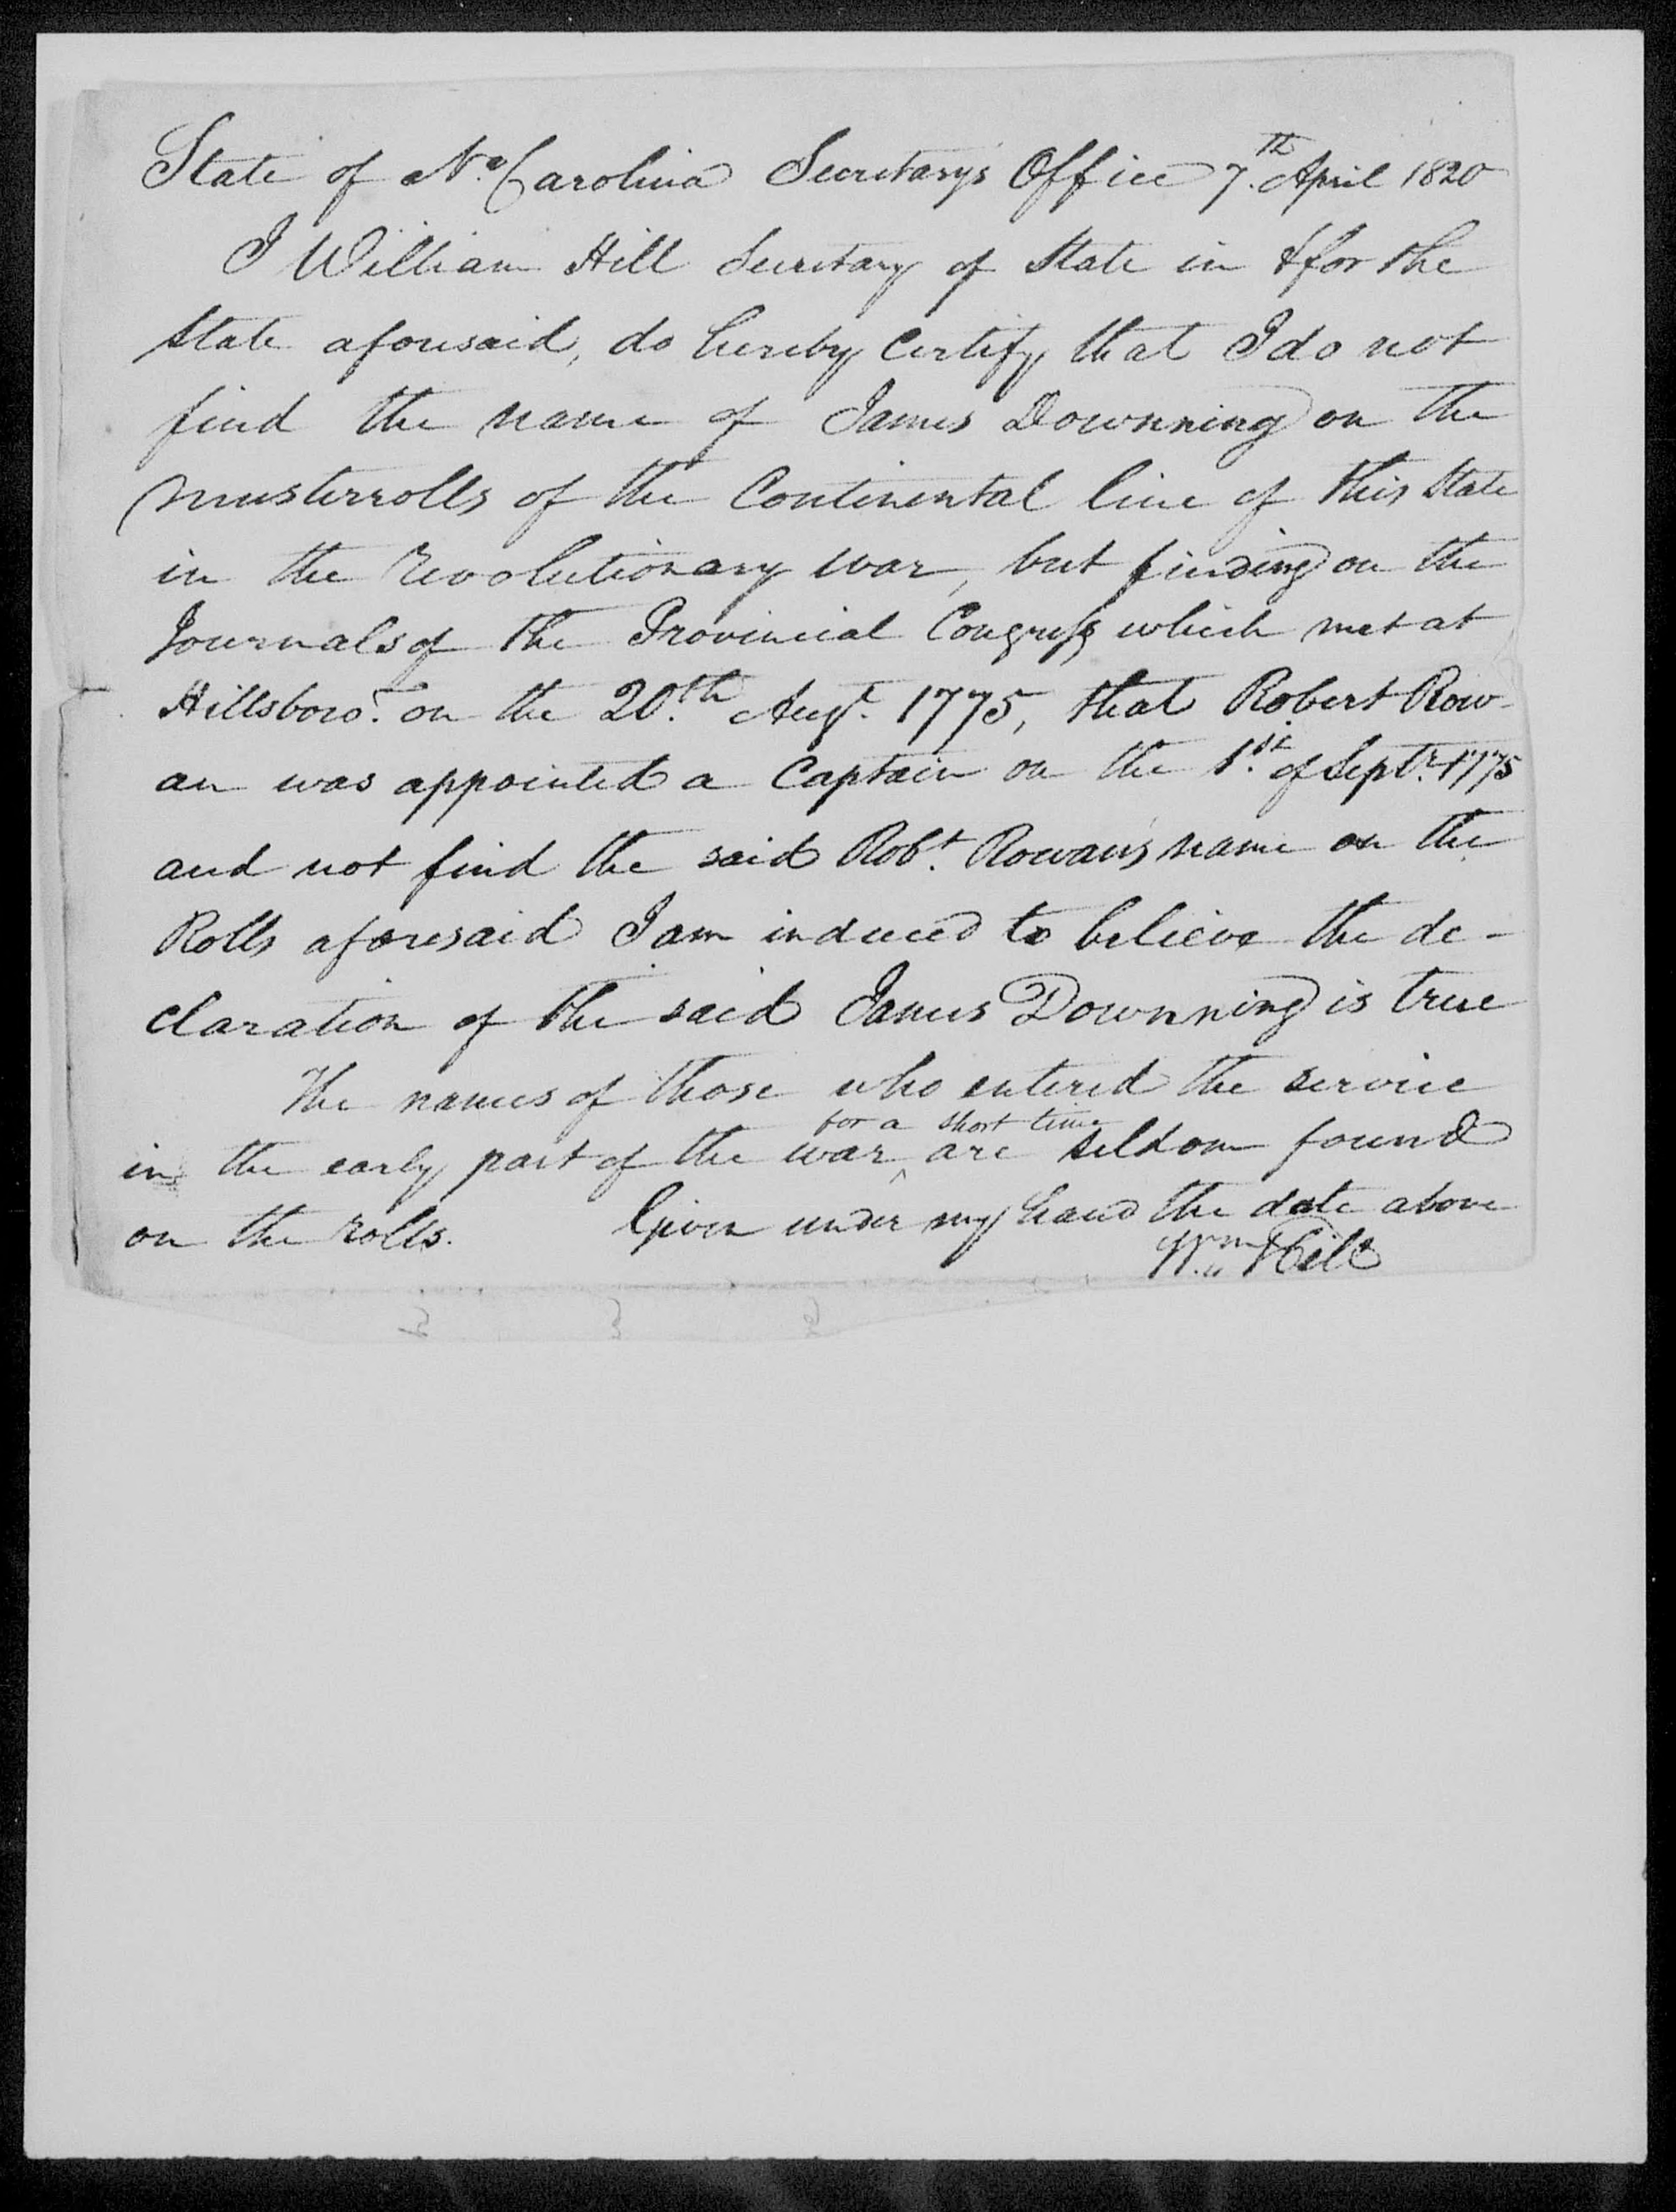State of N. Carolina Secretary's Office 7th April 1820
J. William Hill Secretary of State in for the State aforesaid, do hereby certify that I do not find the name of James Downning on the master rolls of the Continental line of this State in the revolutionary war, but finding on the Journals of the Provincial Congress which met at Hillsboro on the 20th Sept 1775, that Robert Row XXX was appointed a Captain on the 1st of Sept 1775,  and not find the said Robt Rowans name on the Rolls a foesaid. I am induced to believe the declaration of the said James Downing is true.
The names of those who entered the service in the early part of the war for a short time are seldom found on the rolls. 
Given under my hand the date above
W. White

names: James Downning, Robert Rowan, Robt Rowans, William Hill, James Downning, Wm Hill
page: 43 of 43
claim: widow's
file: W. 25536, James Downing, N.C.